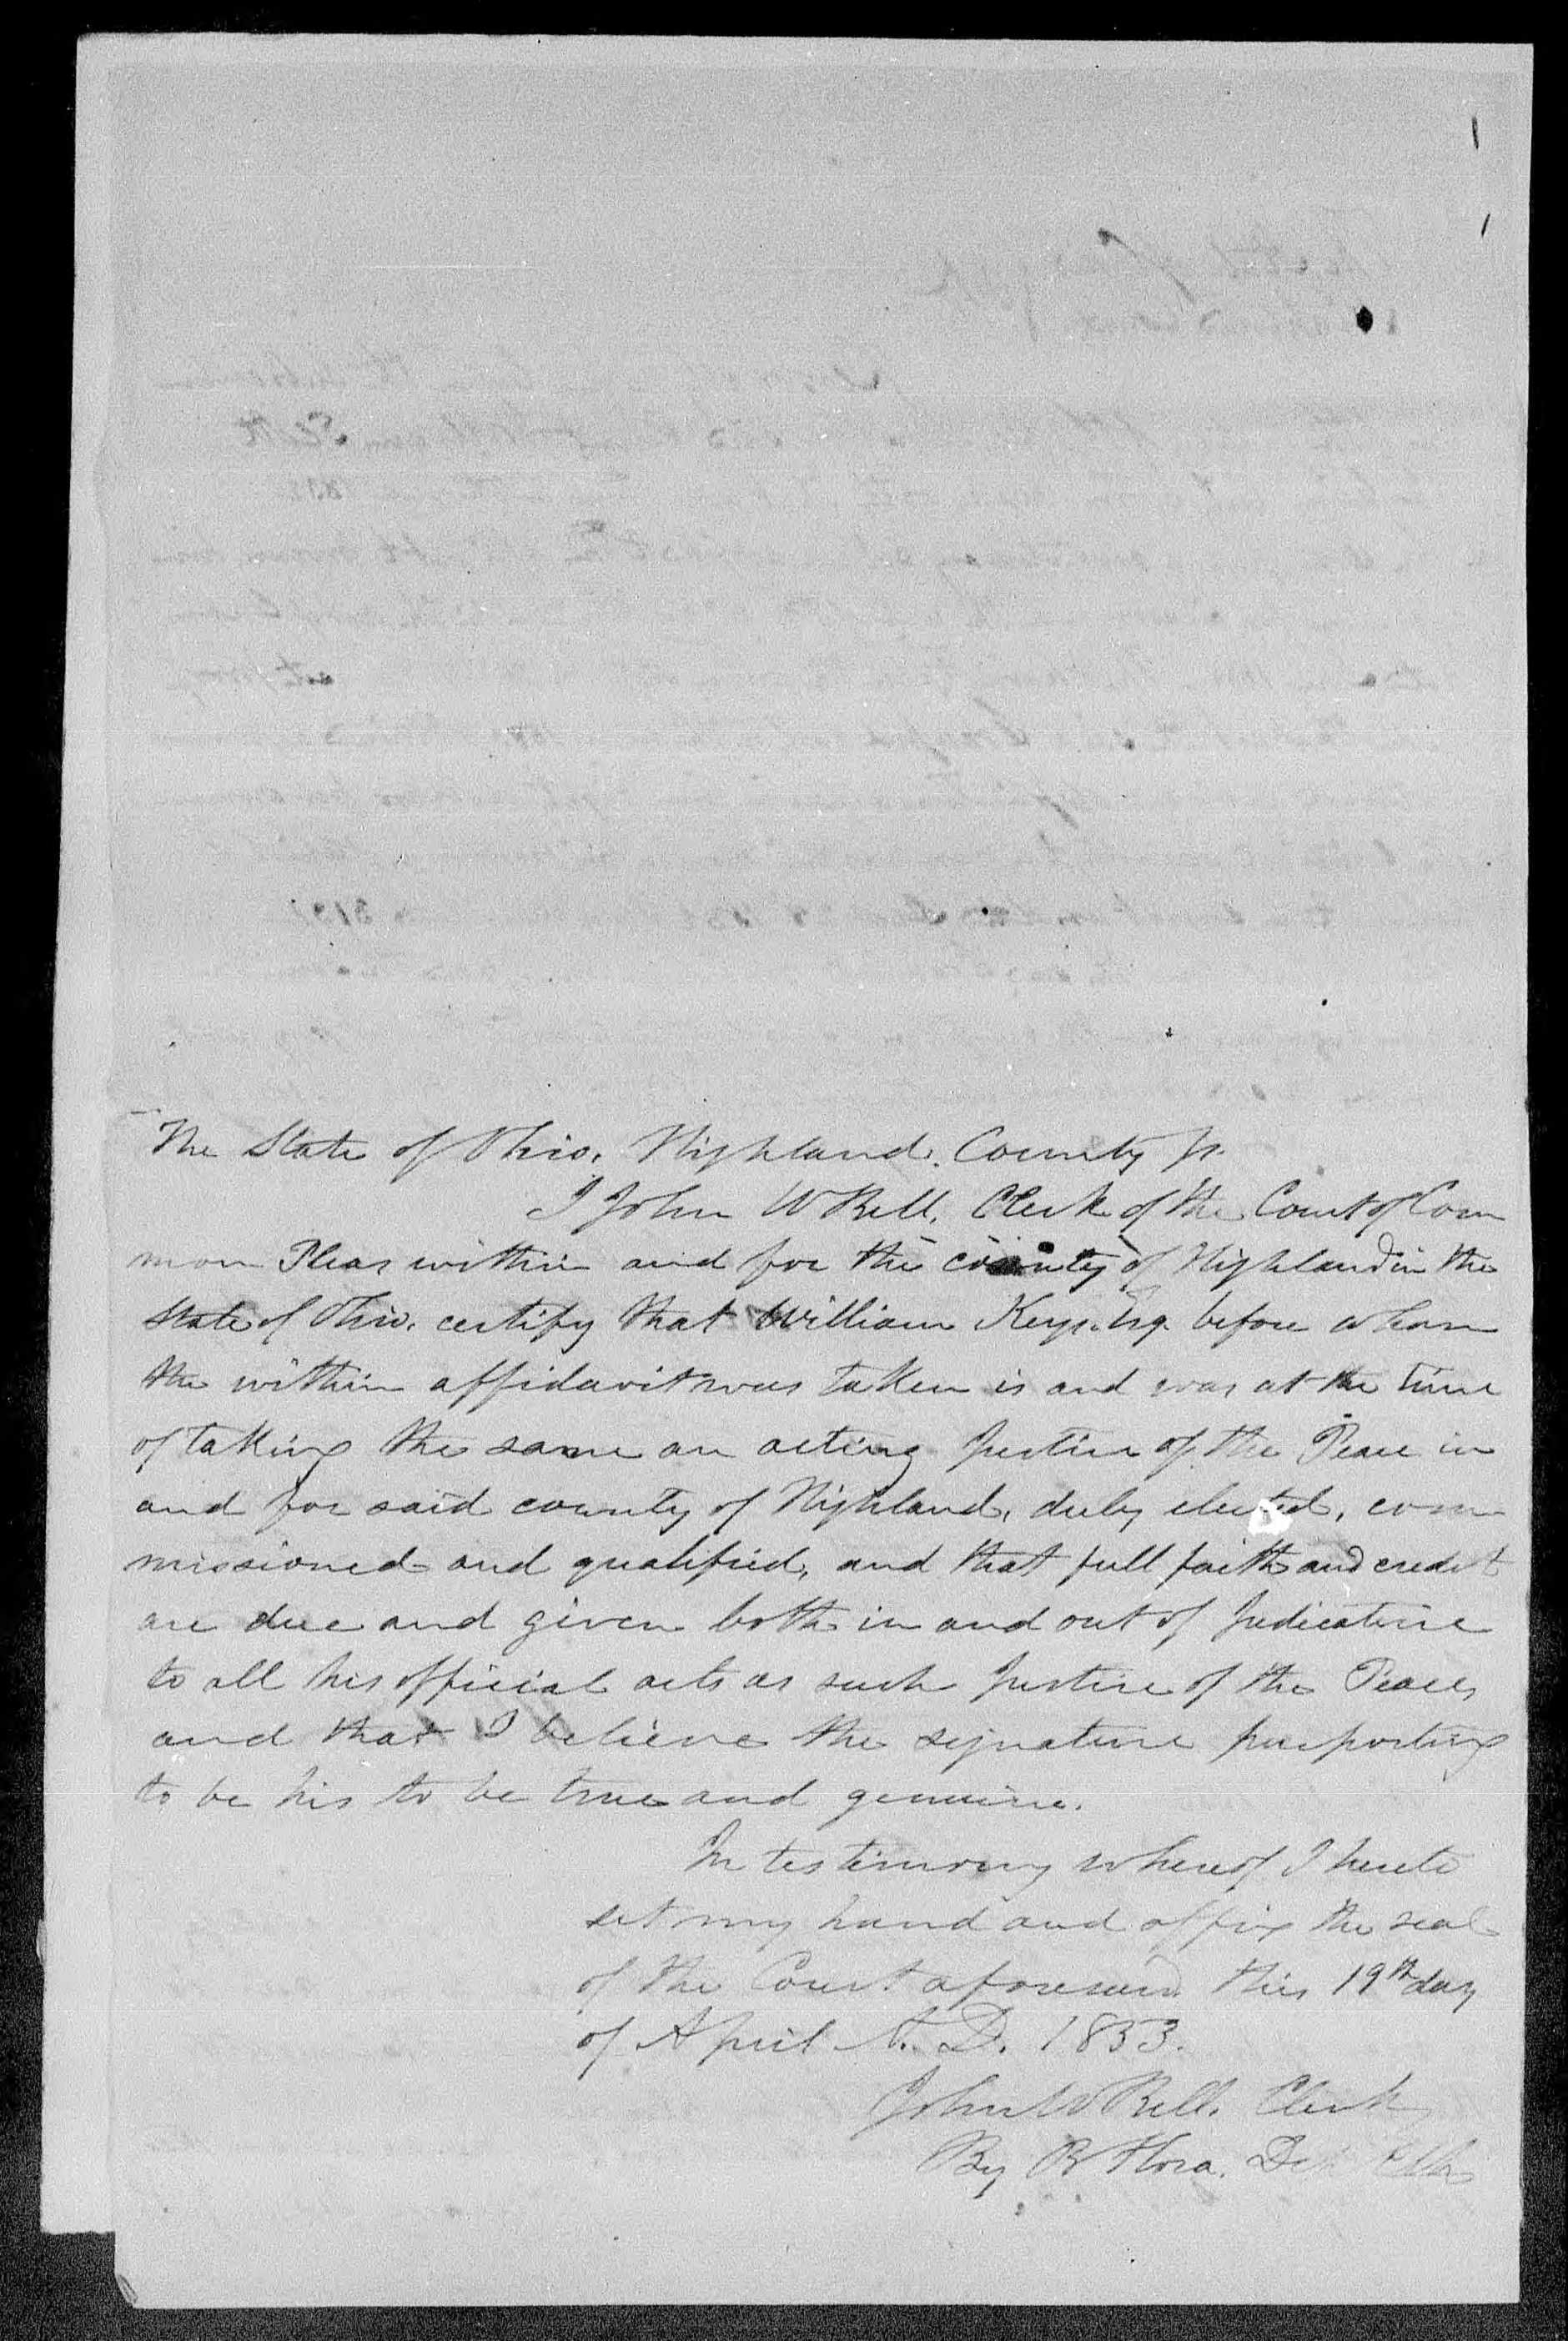The State of Ohio, Highland County
John W Bell. Clerk of the Court of Common Pleas within and for the County of Highland in the State of Ohio, certify that William Keys, before whom the within affidavit was taken, is and was at the time of taking the same, an acting Justice of the Peace in and for said County of Highland, duly elected, commissioned and qualified, and that full faith and credit are due and given both in and out of Judicative to all his official acts as such Justice of the Peace, and that I believe the signature purporting to be his to be true and genuine.
In testimony whereof, I hereto set my hand and affix the seal of the Court aforesaid this 19th day of April A.D. 1833.
John W Bell. Clerk
By B Hora, Deputy Clerk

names: William Keys, John W Bell, John W Bell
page: 30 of 80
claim: widow's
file: W 2070, John Crawford, Penn.